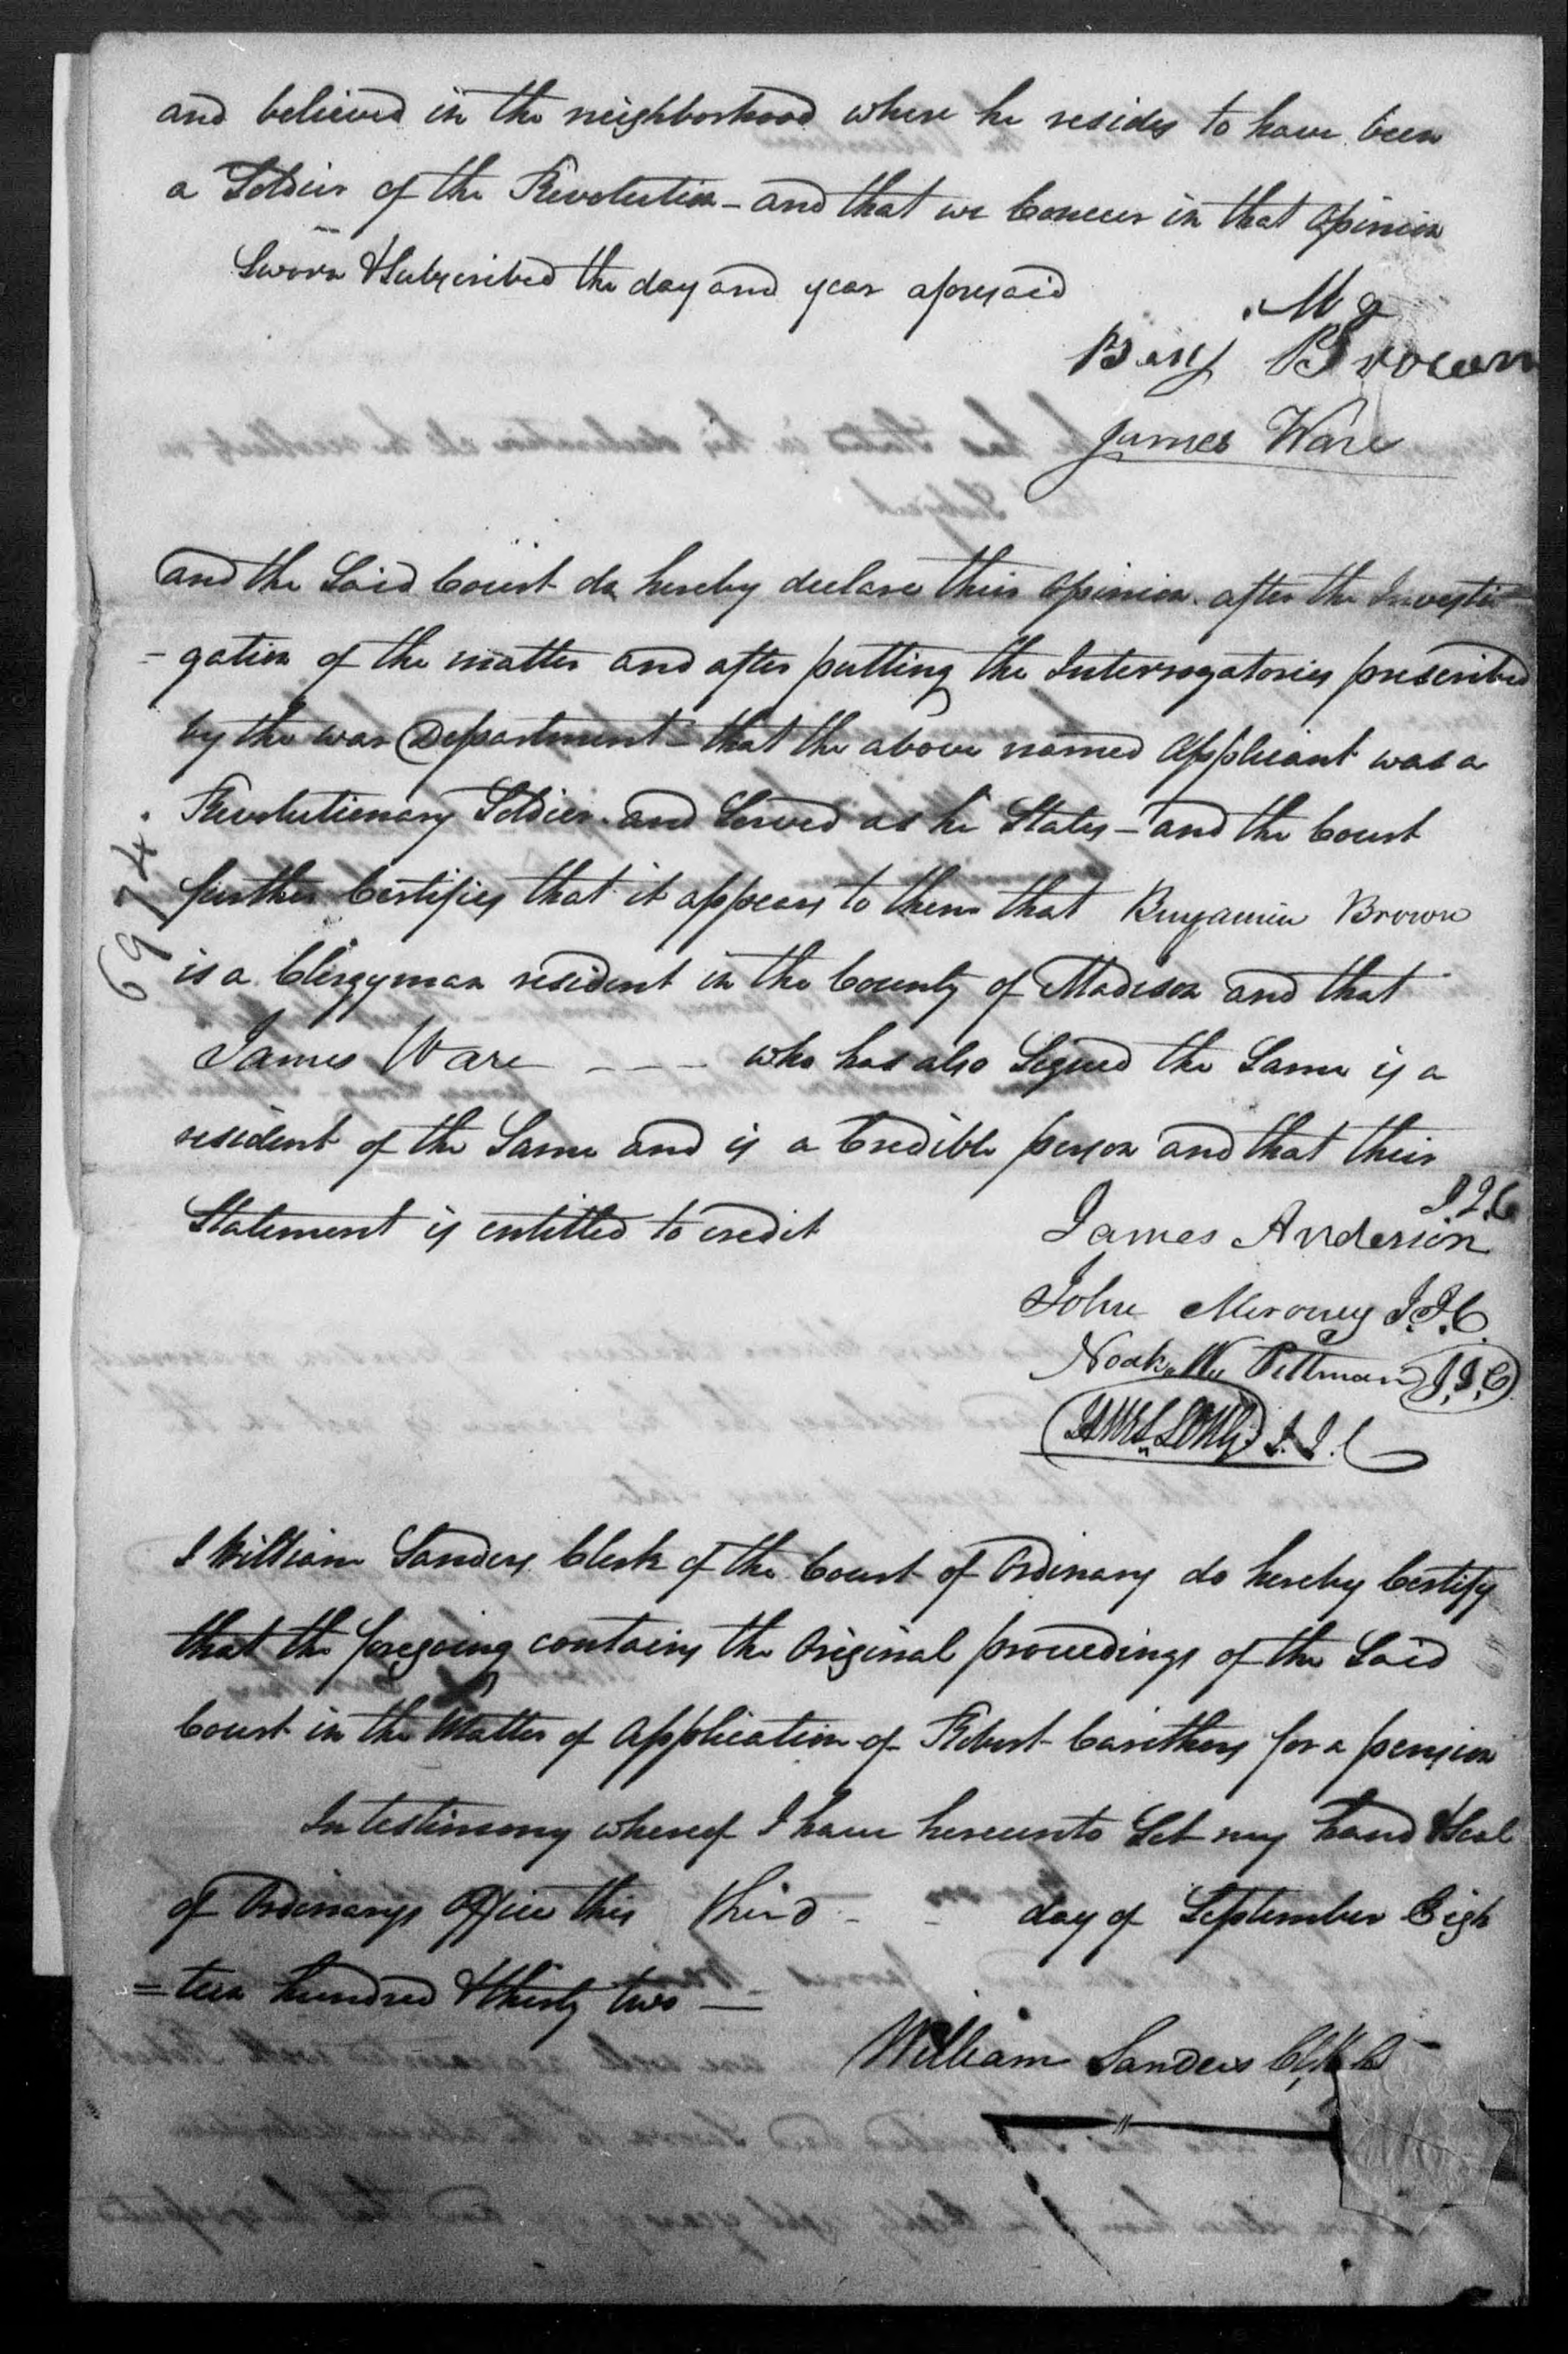and believed in the neighborhood where he resides to have been
a soldier of the Revolution and that we concur in that opinion
-
Sworn & subscribed the day and year aforesaid
M
Mary Brown
James Ware
and the said Court do hereby declare their opinion after the Investigation of the matter and after putting the Interrogatories prescribed
by the war Department that the above named applicant was a
https://catalog.archives.gov/images/misc/drag.pngRevolutionary Soldier and served as he states- and the Court
further certifies that it appears to them that Benjamin Brown
is a Clergyman resident in the County of Madison and that
James Ware
who has also signed the same is a
resident of the same and is a credible person and that their
Statement is entitled to credit

James Anderson J.J.C.
John Moroney J.J.C.
Noah Pittman J.J.C.
[illegible]
I William Sanders Clerk of the Court of Ordinary do hereby Certify
that the foregoing contains the original proceedings of the said
Court in the matter of application of Robert Carithers for a pension
In testimony whereof I have hereunto set my hand seal
of Ordinary Office this third
day of September Eighteen hundred & thirty two
William Sanders Clerk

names: John Meroney, William Sanders, Benjamin Brown, Robert Carithers, William Sanders, James Anderson, Benj Brown, James Long, James Ware, Noah W Pittman, James Ware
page: 6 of 33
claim: widow's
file: W. 23779, Robert Carithers, S.C.